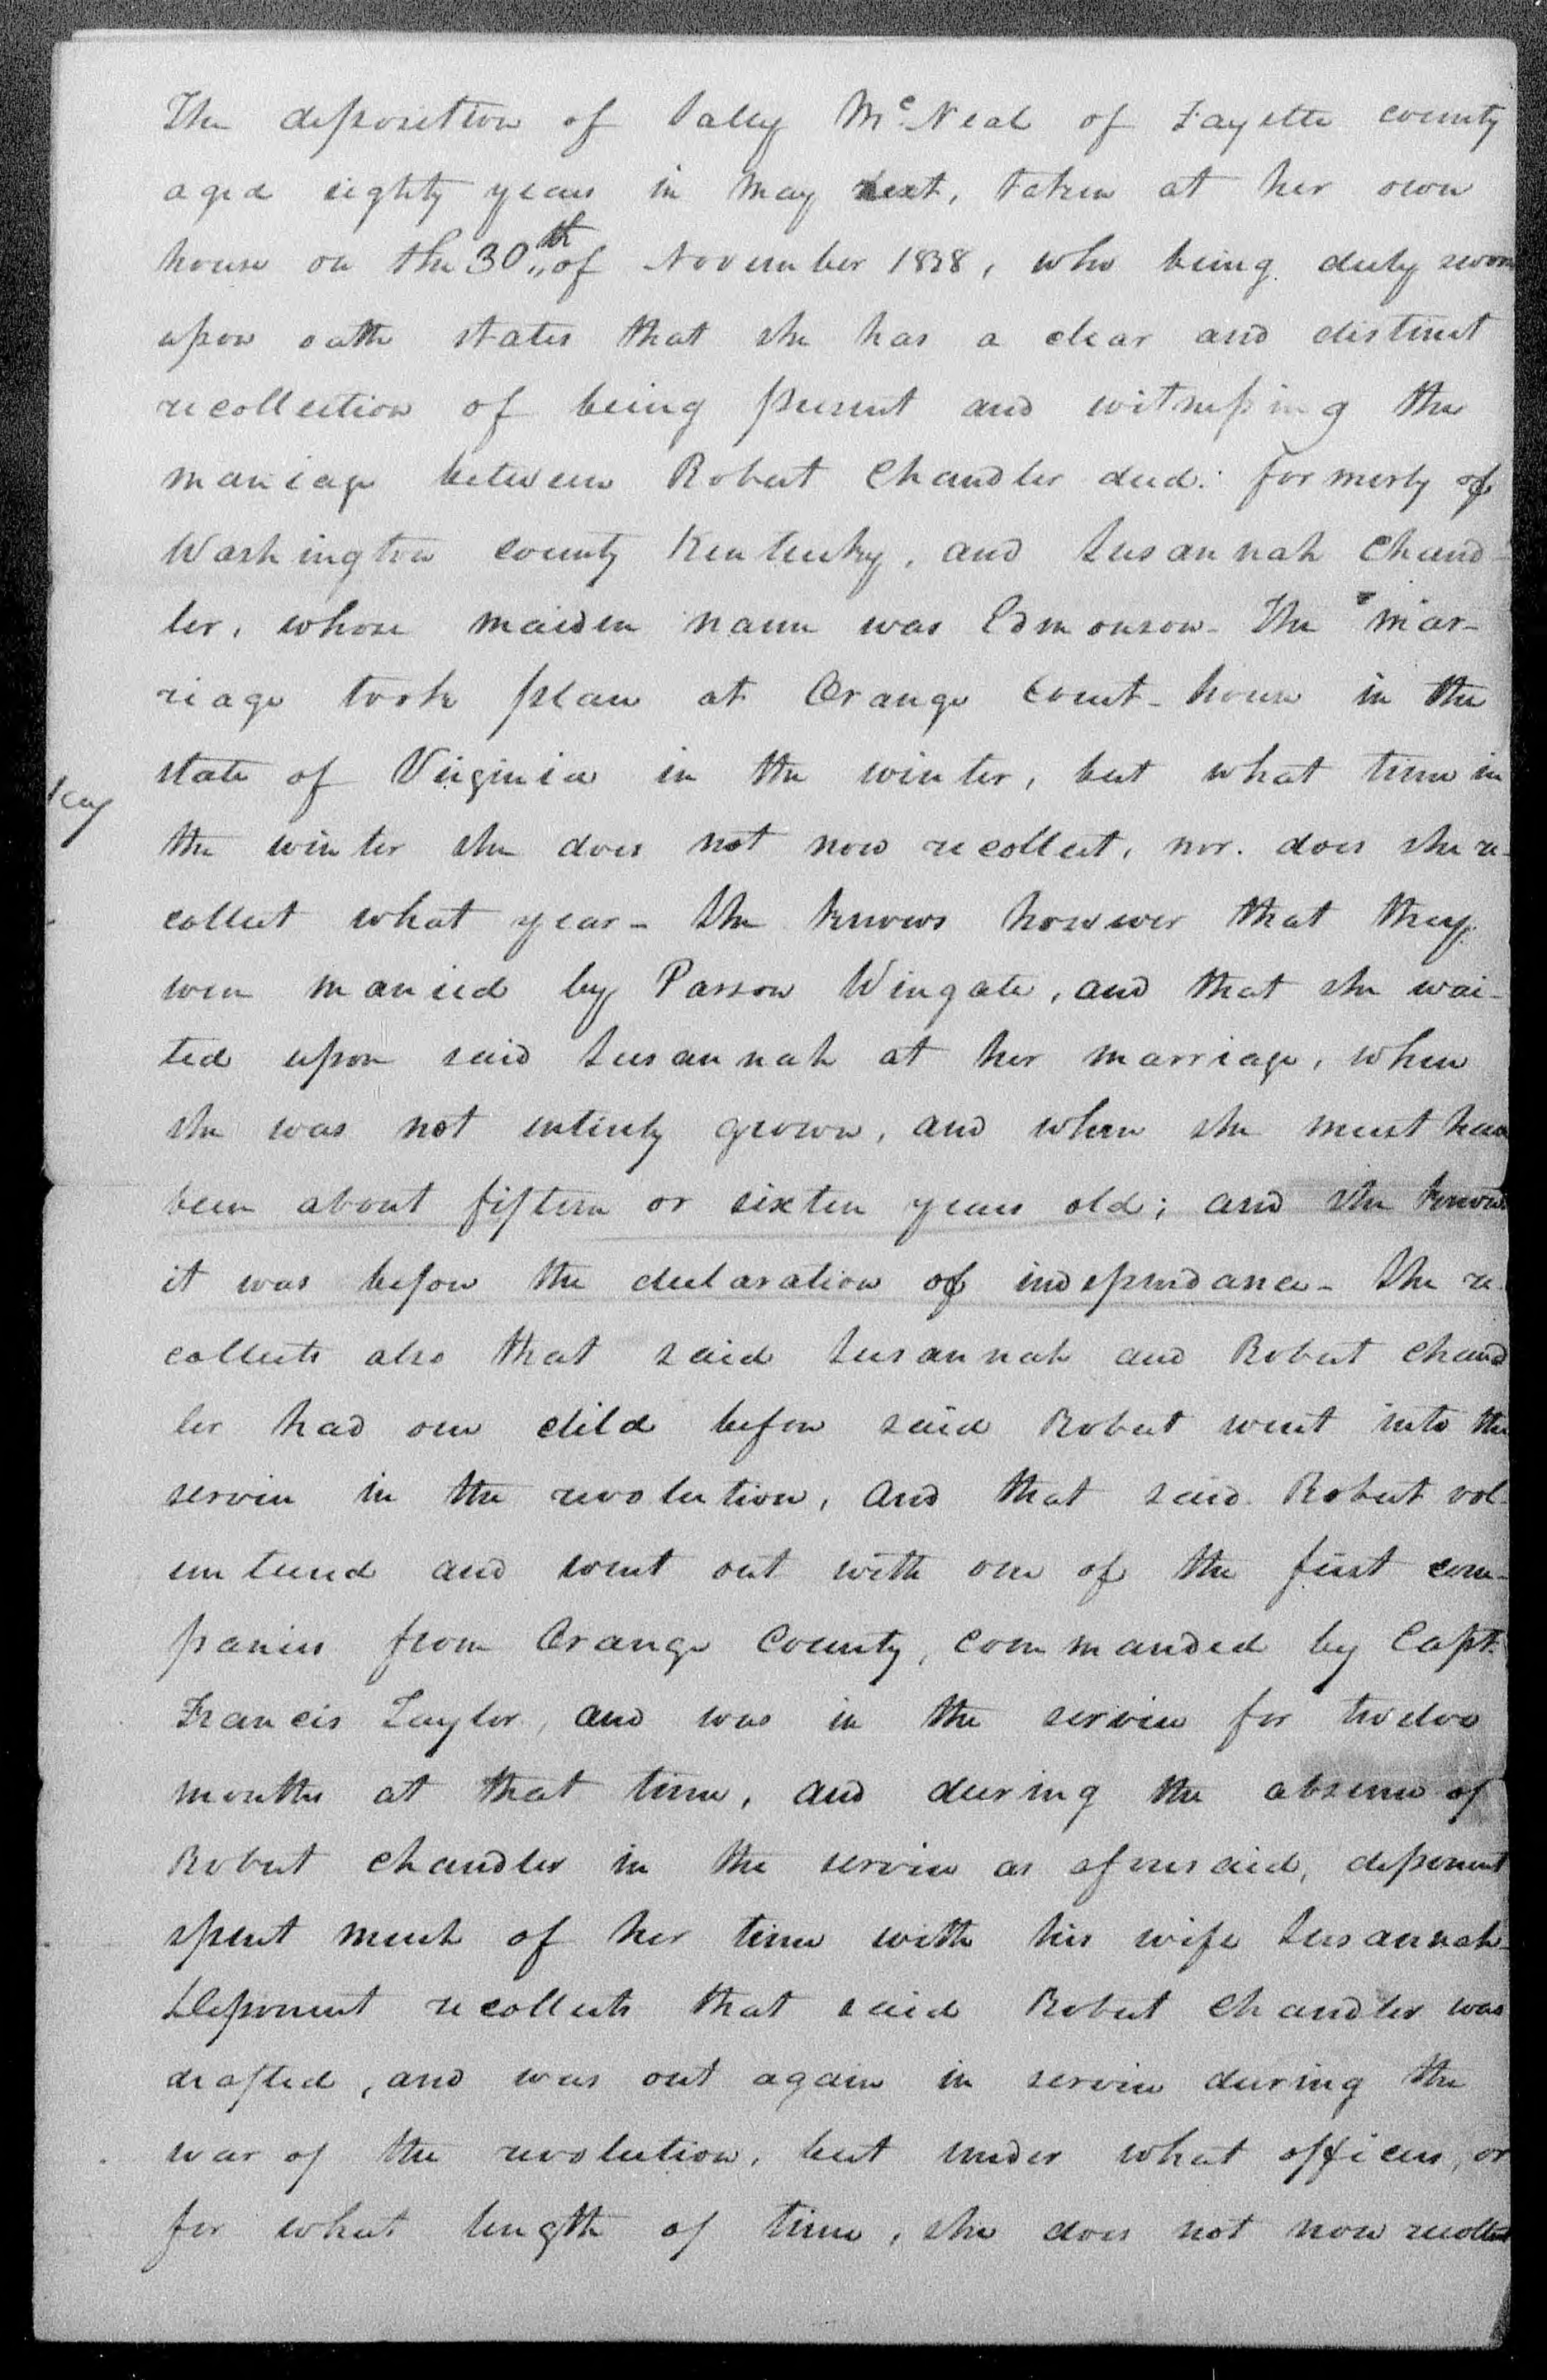The deposition of Sally McNeal of Fayette County, aged eighty eight year in May next, taken at her own house on the 30th of November, 1838, who being duly sworn upon oath states that she has a clear and distinct recollection of being present and witnessing the marriage between Robert Chandler, dead, formerly of Washington County Kentucky  and Susannah Chandler, whose maiden name is Edmonson. The marriage took place at Orange Courthouse in the State of Virginia in the winter, but what time in the winter, she does not now recollect, nor does she recollect what year.  She knows however that they were married by Parson Wingate, and that she waited upon said Susannah at her marriage when she was not entirely grown, and when she must have been about fifteen or sixteen years old; and she knows it was before the declaration of independence.  She recollects also that said Susannah and Robert Chandler had one child before said Robert went into the service in the revolution, and that said Robert volunteered and went out with one of the first companies from Orange County, commanded by Capt. Francis Taylor, and was in the service for twelve months at that time, and during the absence of Robert Chandler in the service as aforesaid, deponent spent much of her time with his wife, Susannah.  Deponent recollects that said Robert Chandler was drafted, and was out again in service during the war of the revolution, but under what officers or for what length of time, she does not now recollect.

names: Robert, Robert Chandler, Susannah, Susannah Chandler, Robert, Robert Chandler, Susannah, Sally Mc Neal, Robert Chandler, Robert Chandler, Edmonson, Francis Taylor, Susannah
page: 11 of 12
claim: widow's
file: W. 8598, Robert Chandler, Va.